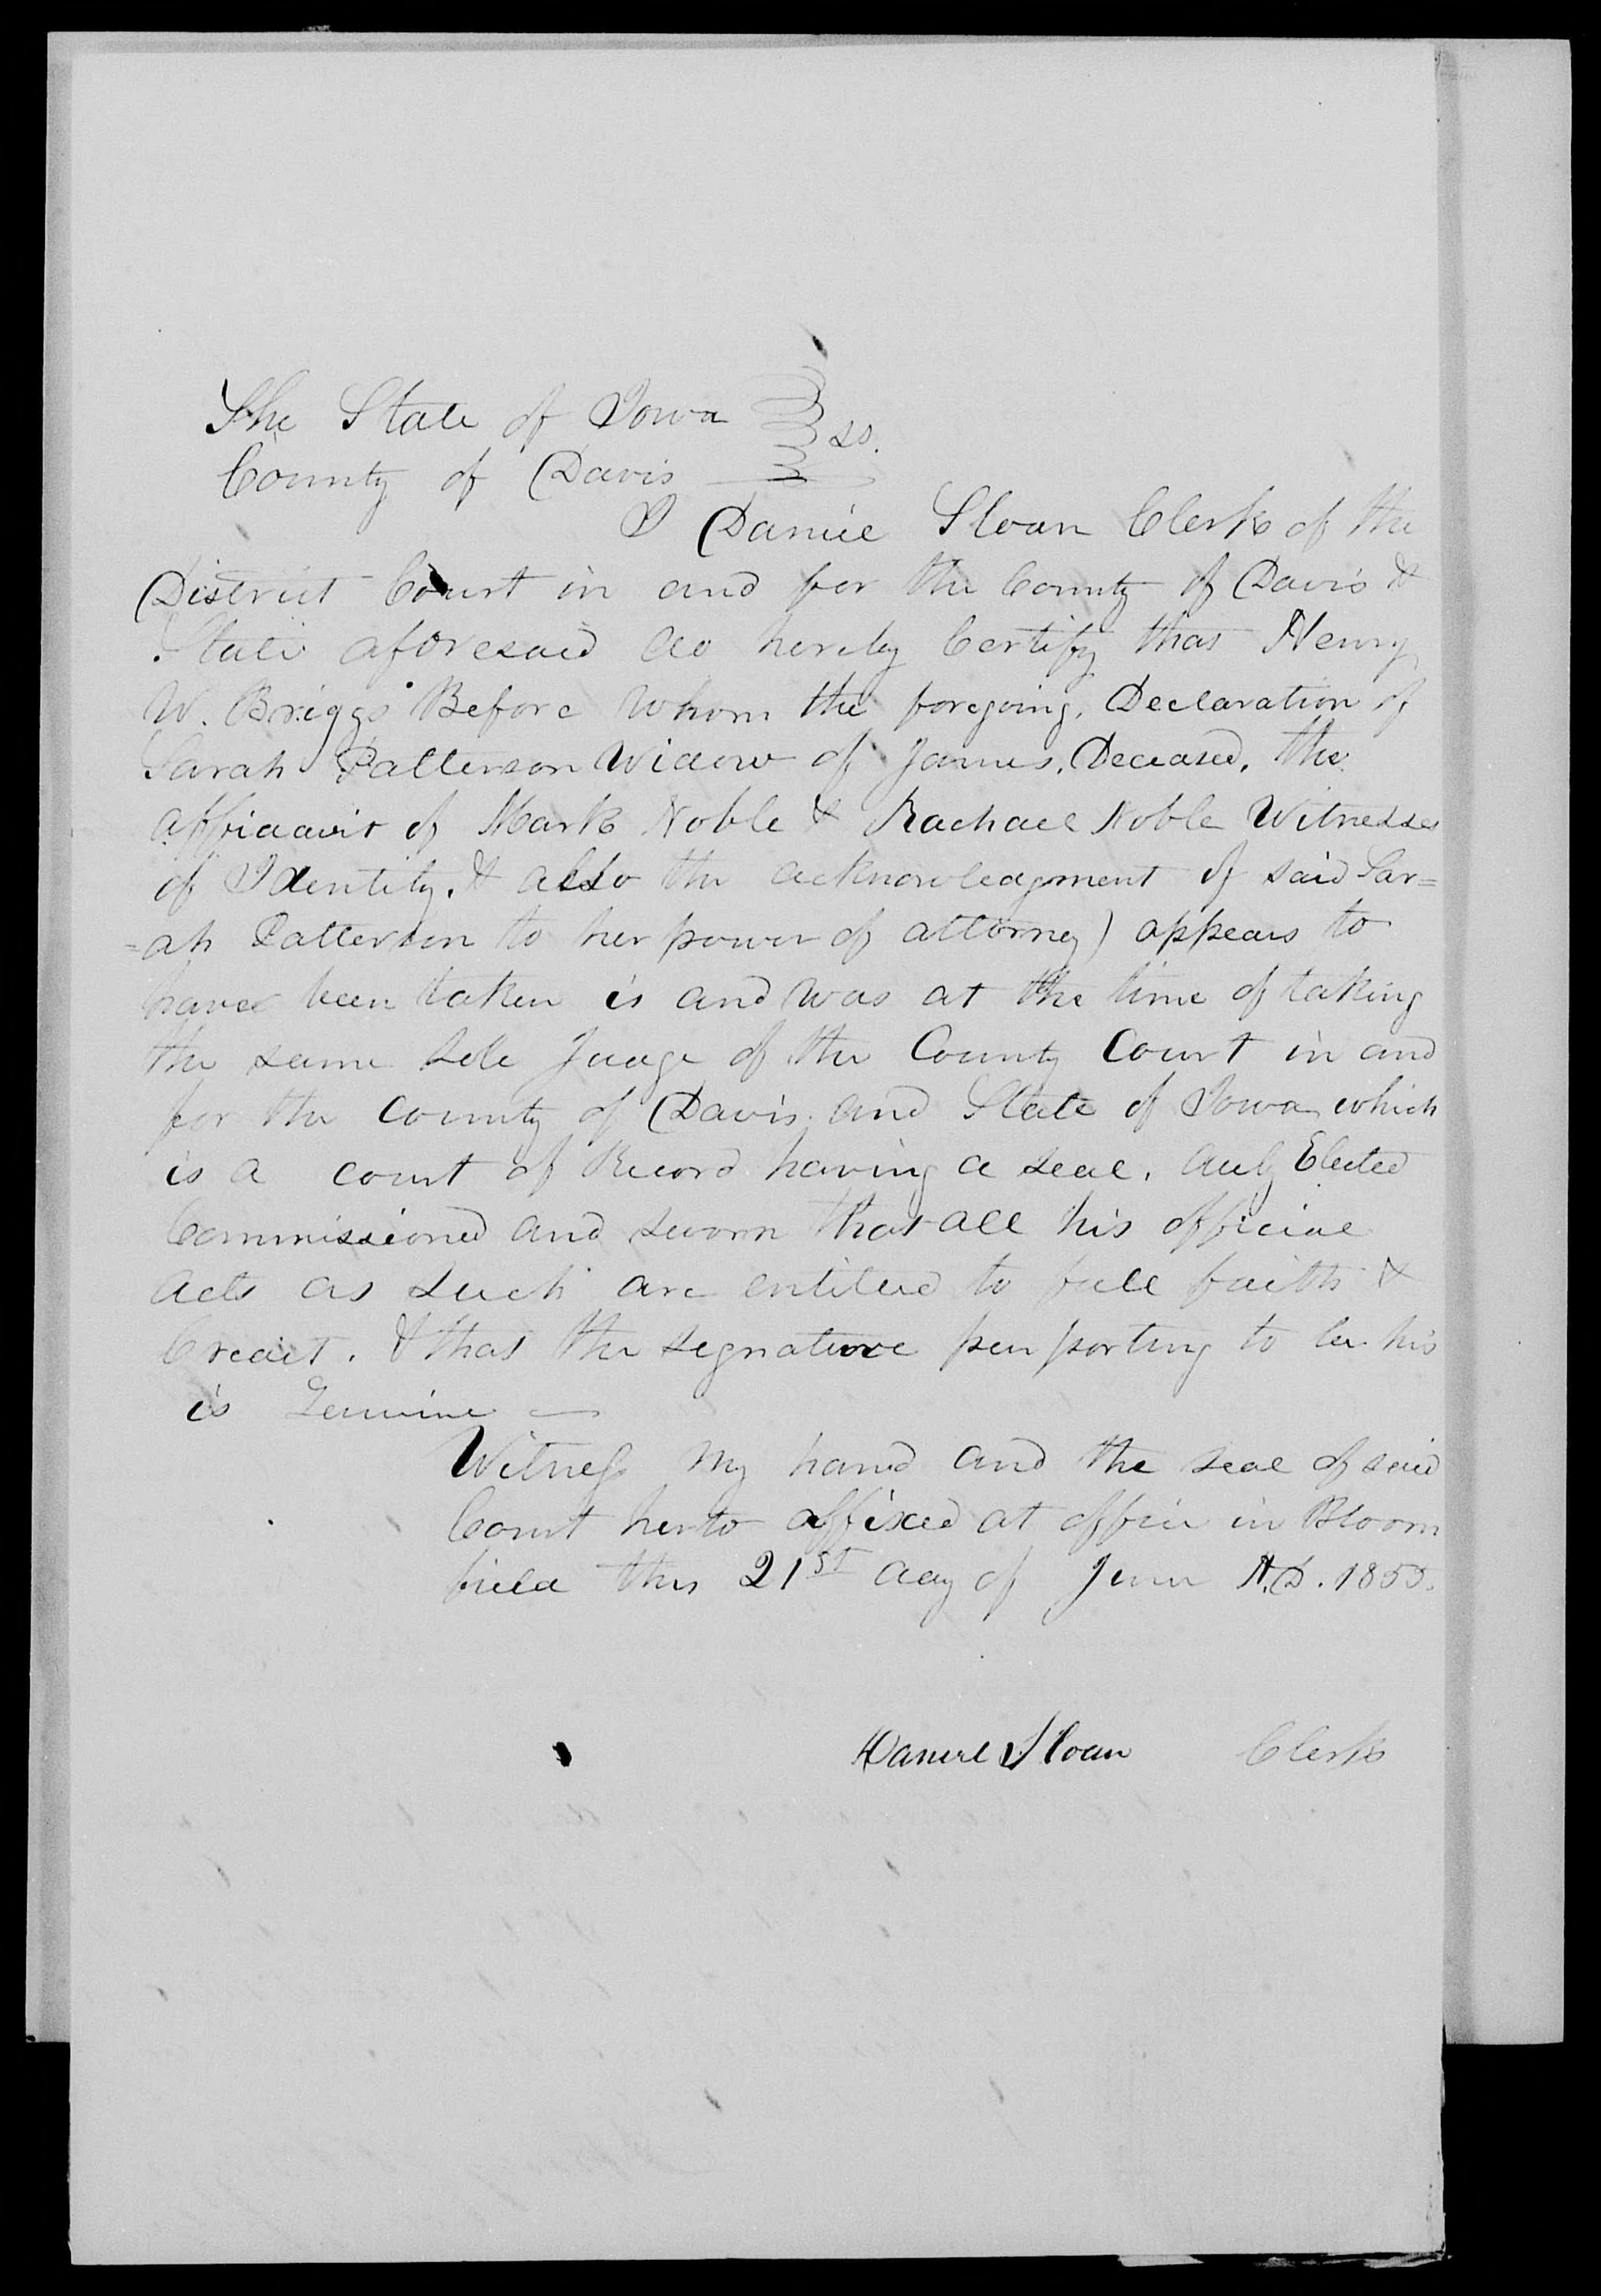The State of Iowa  }
County of Davis  } ss.
I Daniel Sloan Clerk of the District Court in and for the County of Davis & State aforesaid do hereby certify that Henry W. Briggs Before whom the foregoing, Declaration of Sarah Patterson Widow of James, Deceased, the affidavit of Mark Noble & Rachael Noble Witnesses of Identity & also the acknowledgment of said Sarah Patterson to her power of attorney) appears to have been taken is and was at the time of taking the same sole Judge of the County Court in and for the County of Davis and State of Iowa which is a court of Record having a Seal, duly Elected Commissioned and sworn that all his official acts as such are entitled to full faith & Credit, & that the signature purporting to be his is Genuine.
Witness my hand and the seal of said Court herto affixed at office in Bloomfield this 21st day of June A.D. 1855.
Daniel Sloan Clerk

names: Rachael Noble; Henry W Briggs; Daniel Sloan; Mark Noble; James [BLANK]; Sarah Patterson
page: 10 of 69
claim: widow's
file: W. 10861, for James Patterson, North Carolina